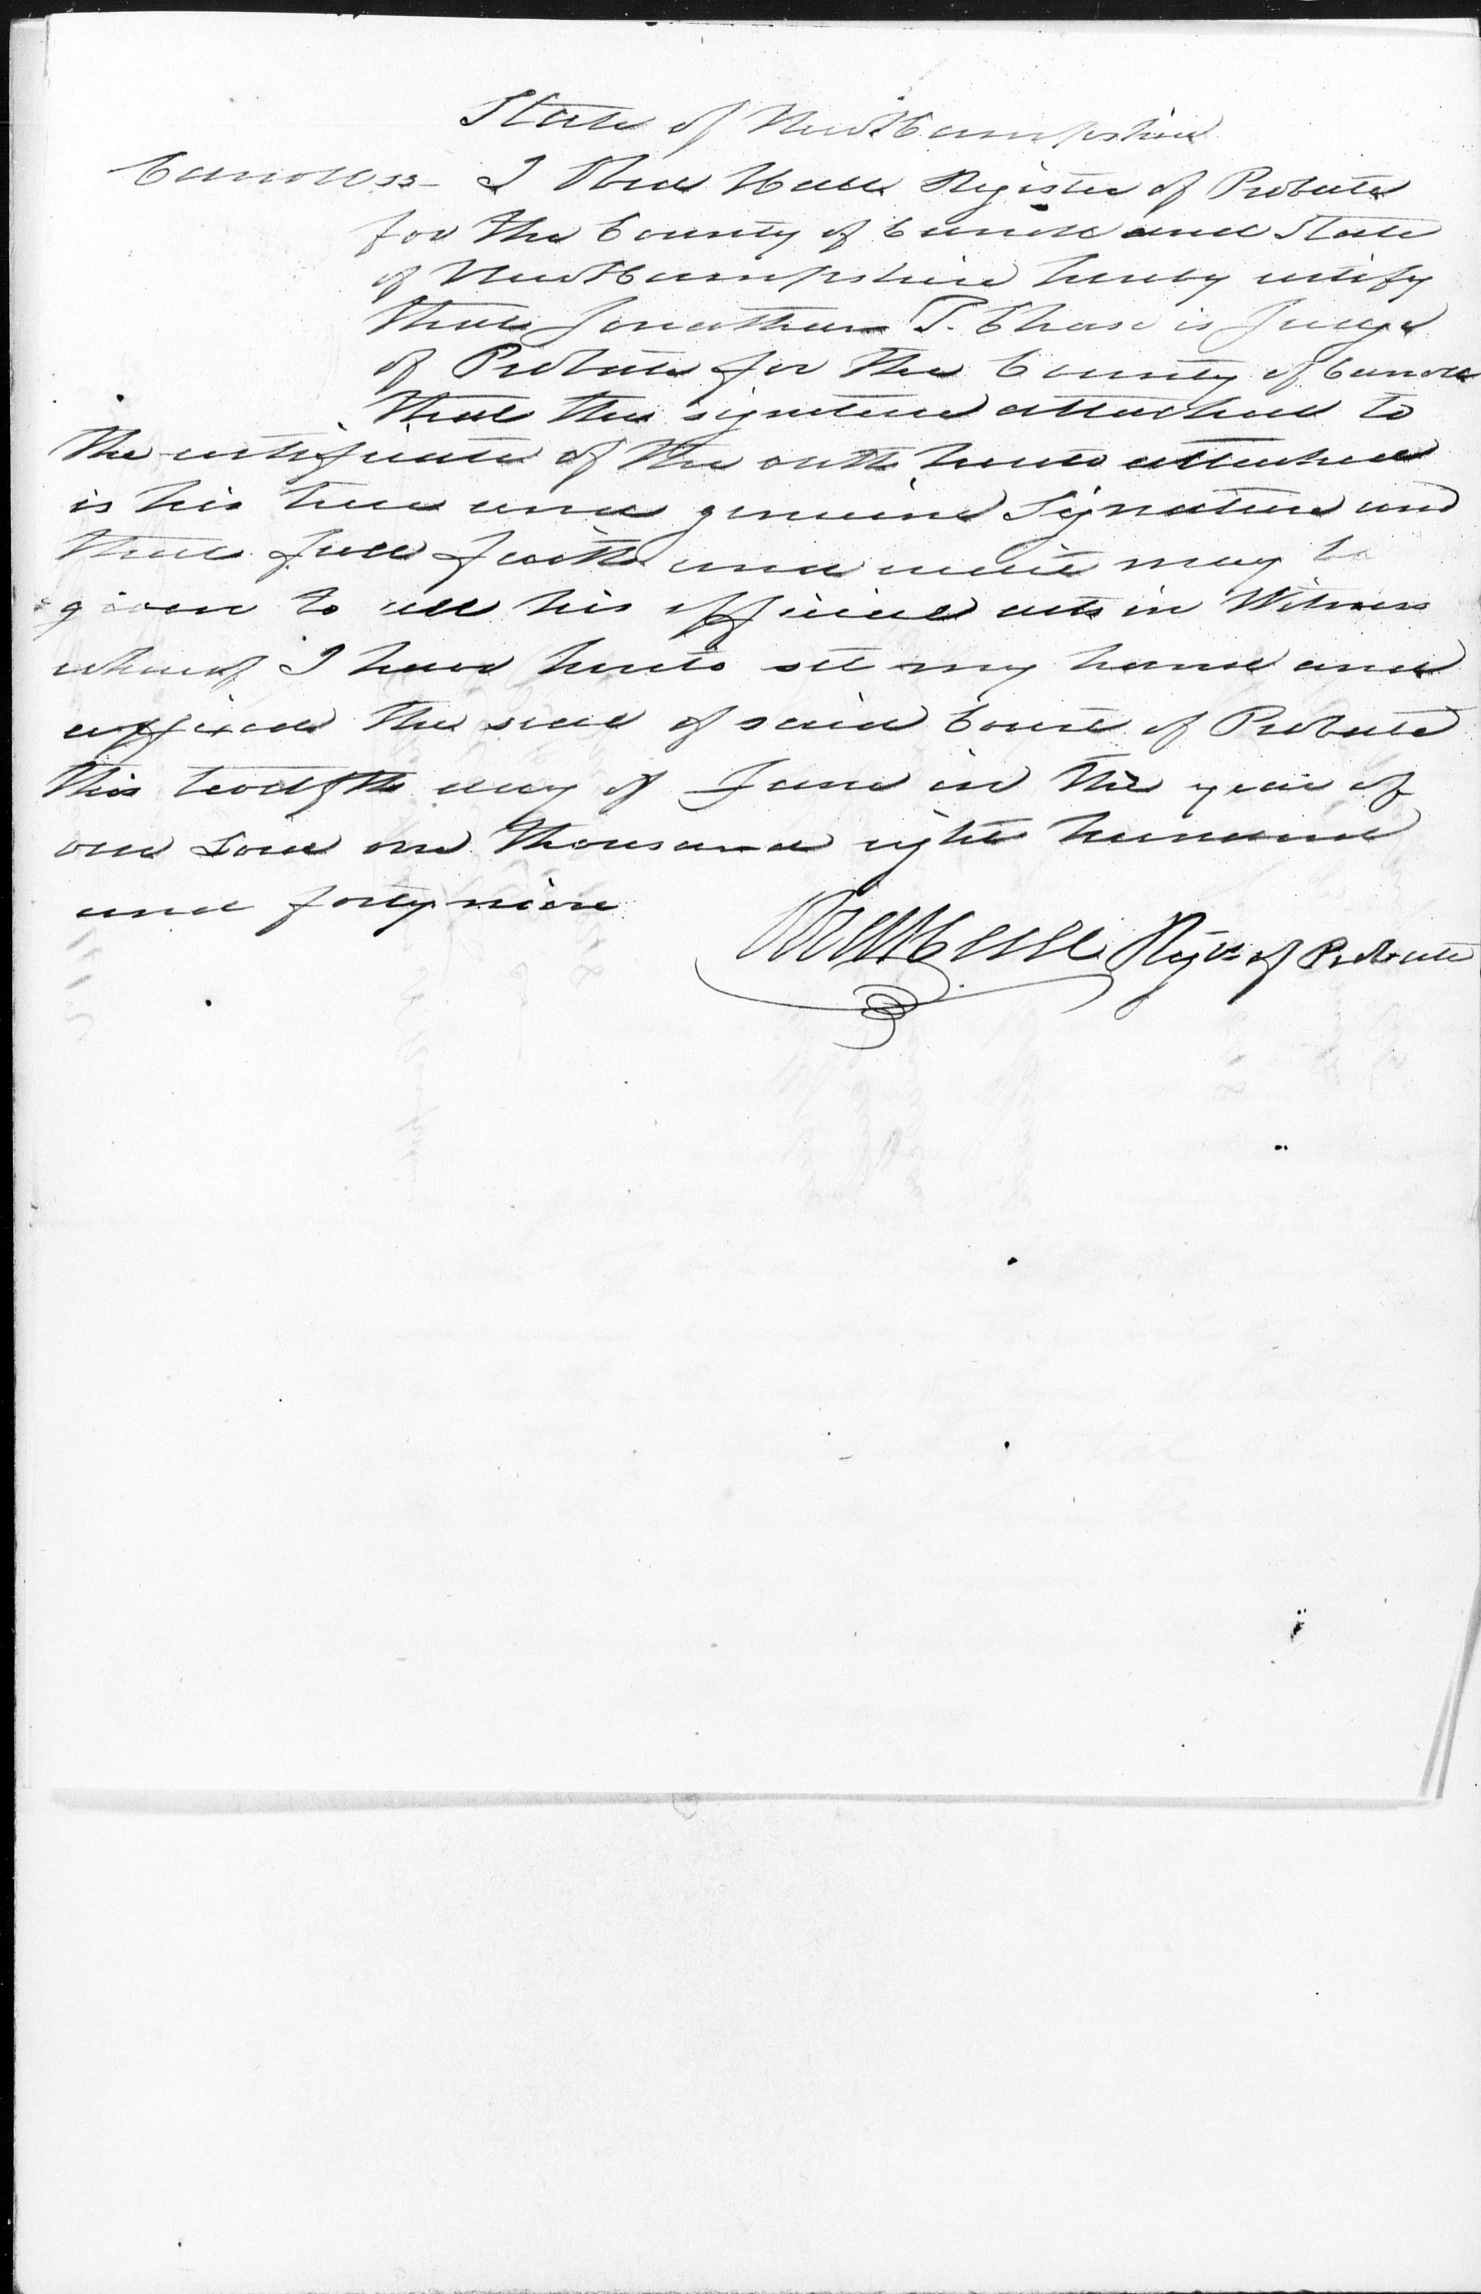State of New Hampshire 
Carroll ss 

I Abel Hall, Register of Probate for the County of Carroll and State of New Hampshire hereby certify that Jonathan T. Chase is Judge of Probate for the County of Carroll that their signature attached to the certificate of the oath herto attested is his true and genuine signature and that full faith and [illegible] may be even to all his official acts in Witness hereof I have hereto set my hand and affixed the seal of said Court of Probate is tenth day of June in the year of our Lord one thousand eight hundred and forty nine 

Milkell Rye of Probate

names: Jonathan T Chase,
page: 12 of 23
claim: widow's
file: W. 1693, John Andrews, Mass.